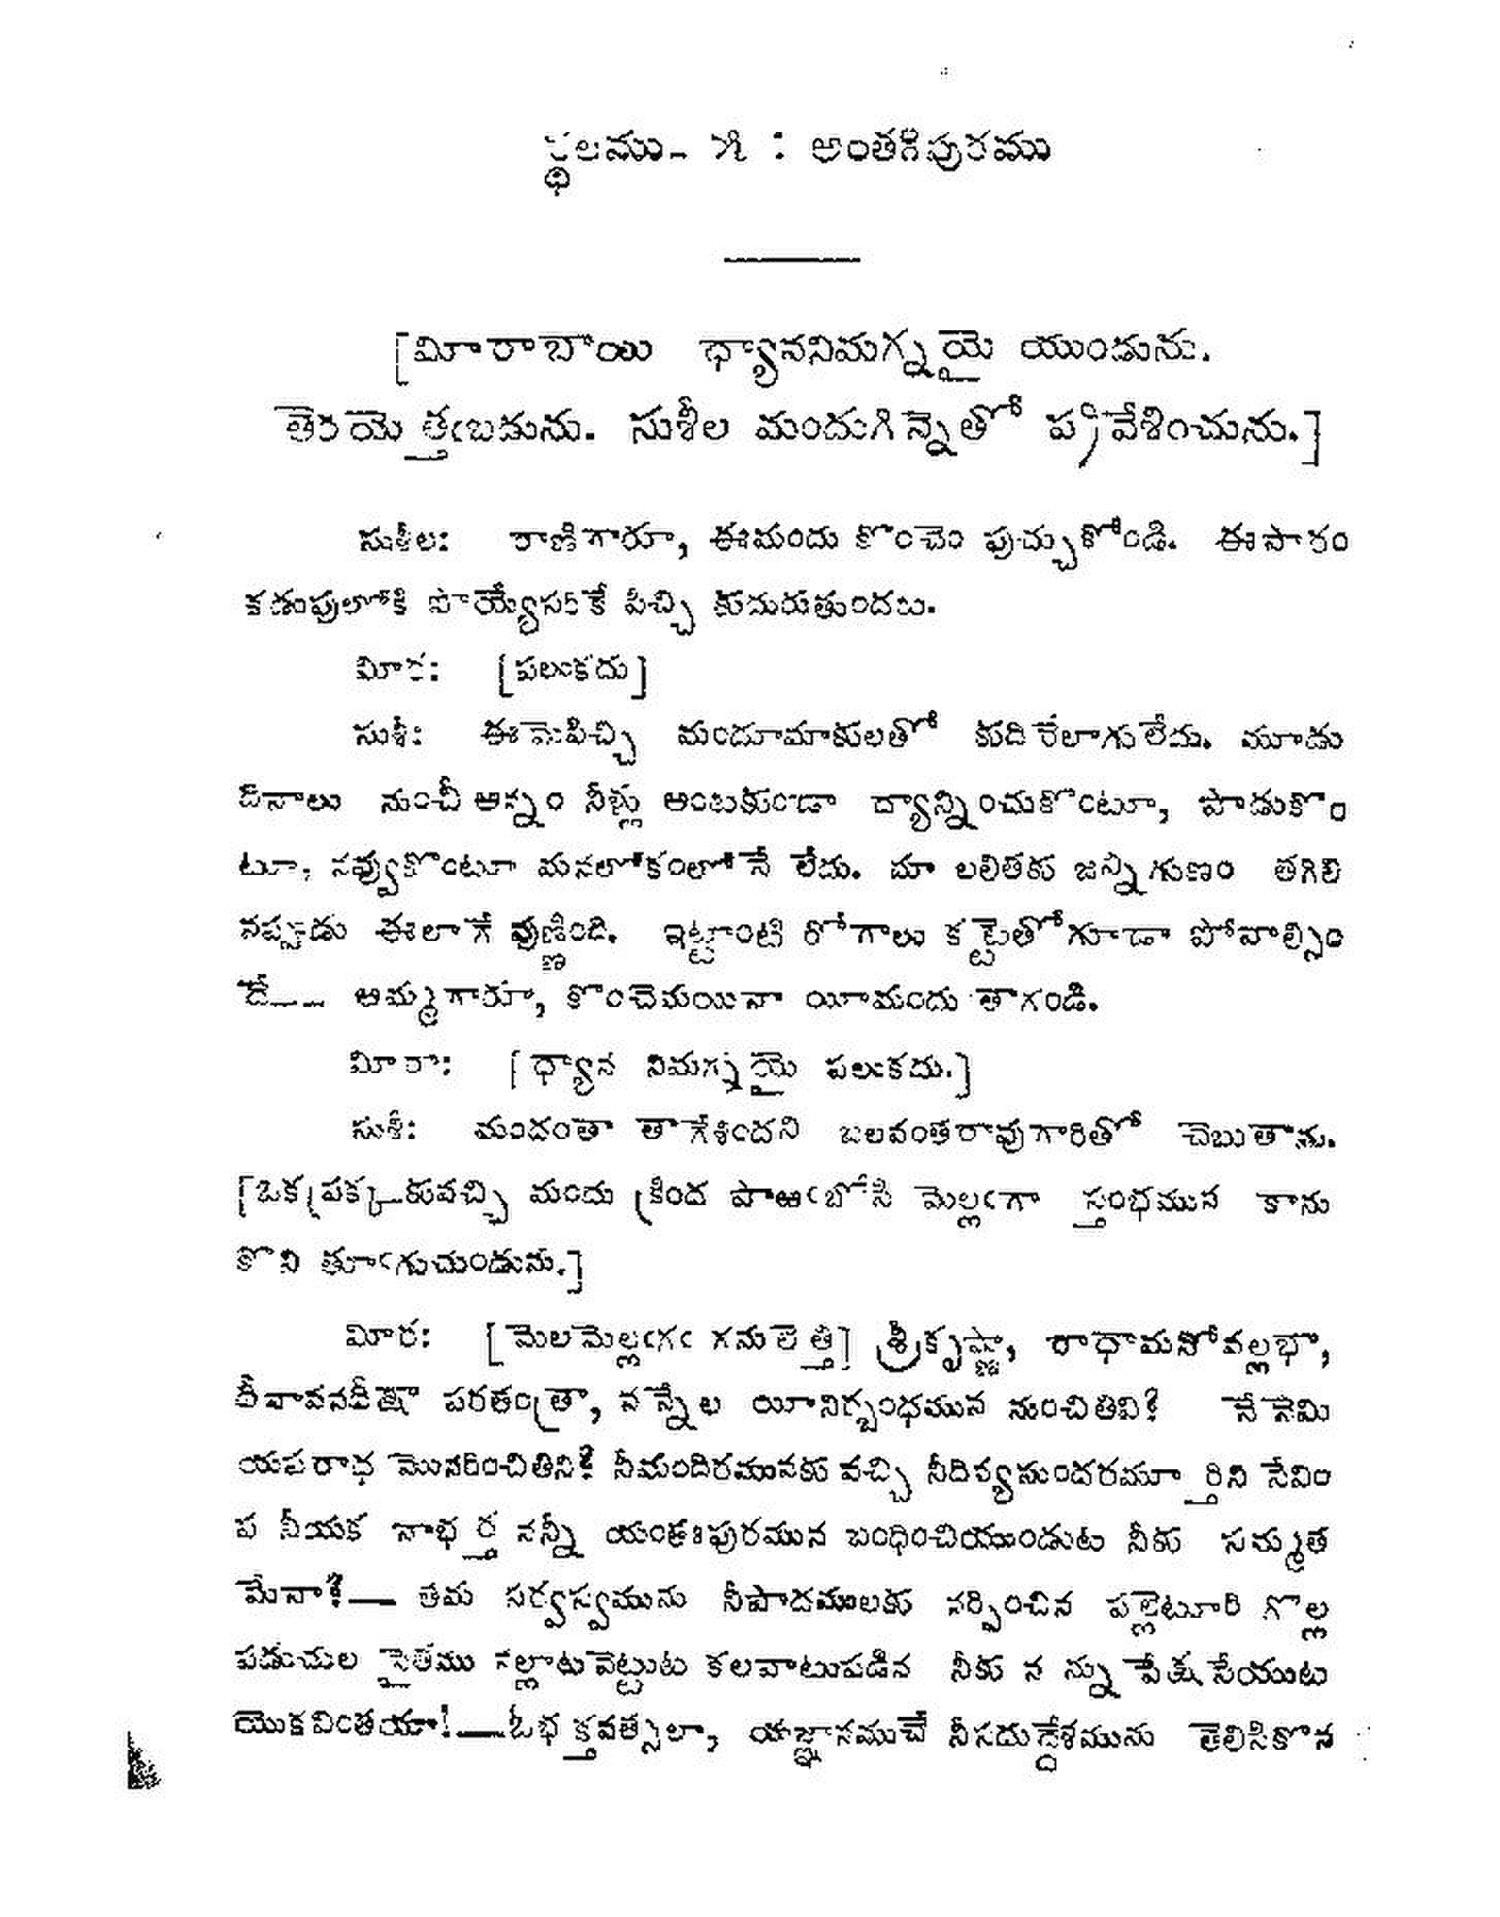సుశీల : రాణిగారూ, ఈమందు కొంచెం పుచ్చుకోండి. ఈసారం కడుపులోకి పొయ్యేసరికే పిచ్చి కుదురుతుందట.

మీరా : [పలుకదు]

సుశీ : ఈమెపిచ్చి మందూమాకులతో కుదిరేలాగులేదు. మూడు దినాలు నుంచీ అన్నం నీళ్లు అంటకుండా ద్యాన్నించుకొంటూ, పాడుకొంటూ, నవ్వుకొంటూ మనలోకంలోనే లేదు. మా లలితకు జన్నిగుణం తగిలినప్పుడు ఈలాగే వుణ్ణింది. ఇట్టాంటి రోగాలు కట్టెతోగూడా పోవాల్సిందే - అమ్మ గారూ, కొంచెమయినా యీమందు తాగండి.

మీరా : [ధ్యాన నిమగ్నయై పలుకదు.]

సుశీ : మందంతా తాగేశిందని బలవంతరావుగారితో చెబుతాను. [ఒకప్రక్కకువచ్చి మందు క్రింద పాఱఁబోసి మెల్లఁగా స్తంభమున కానుకొని తూఁగుచుండును.]

మీర : [మెలమెల్లఁగఁ గనులెత్తి] శ్రీకృష్ణా, రాధామనోవల్లభా, దీనావనదీక్షా పరతంత్రా, నన్నేల యీనిర్బంధమున నుంచితివి ? నేనేమి యపరాధ మొనరించితిని ? నీమందిరమునకు వచ్చి నీదివ్యసుందరమూర్తిని సేవింప నీయక నాభర్త నన్నీ యంత:పురమున బంధించియుండుట నీకు సమ్మతమేనా ? - తమ సర్వస్వమును నీపాదములకు నర్పించిన పల్లెటూరి గొల్ల పడుచుల సైతము నల్లాటవెట్టుట కలవాటుపడిన నీకు న న్ను పేక్షసేయుట యొకవింతయా ! - ఓభక్తవత్సలా, యజ్ఞానముచే నీసదుద్దేశమును తెలిసికొన